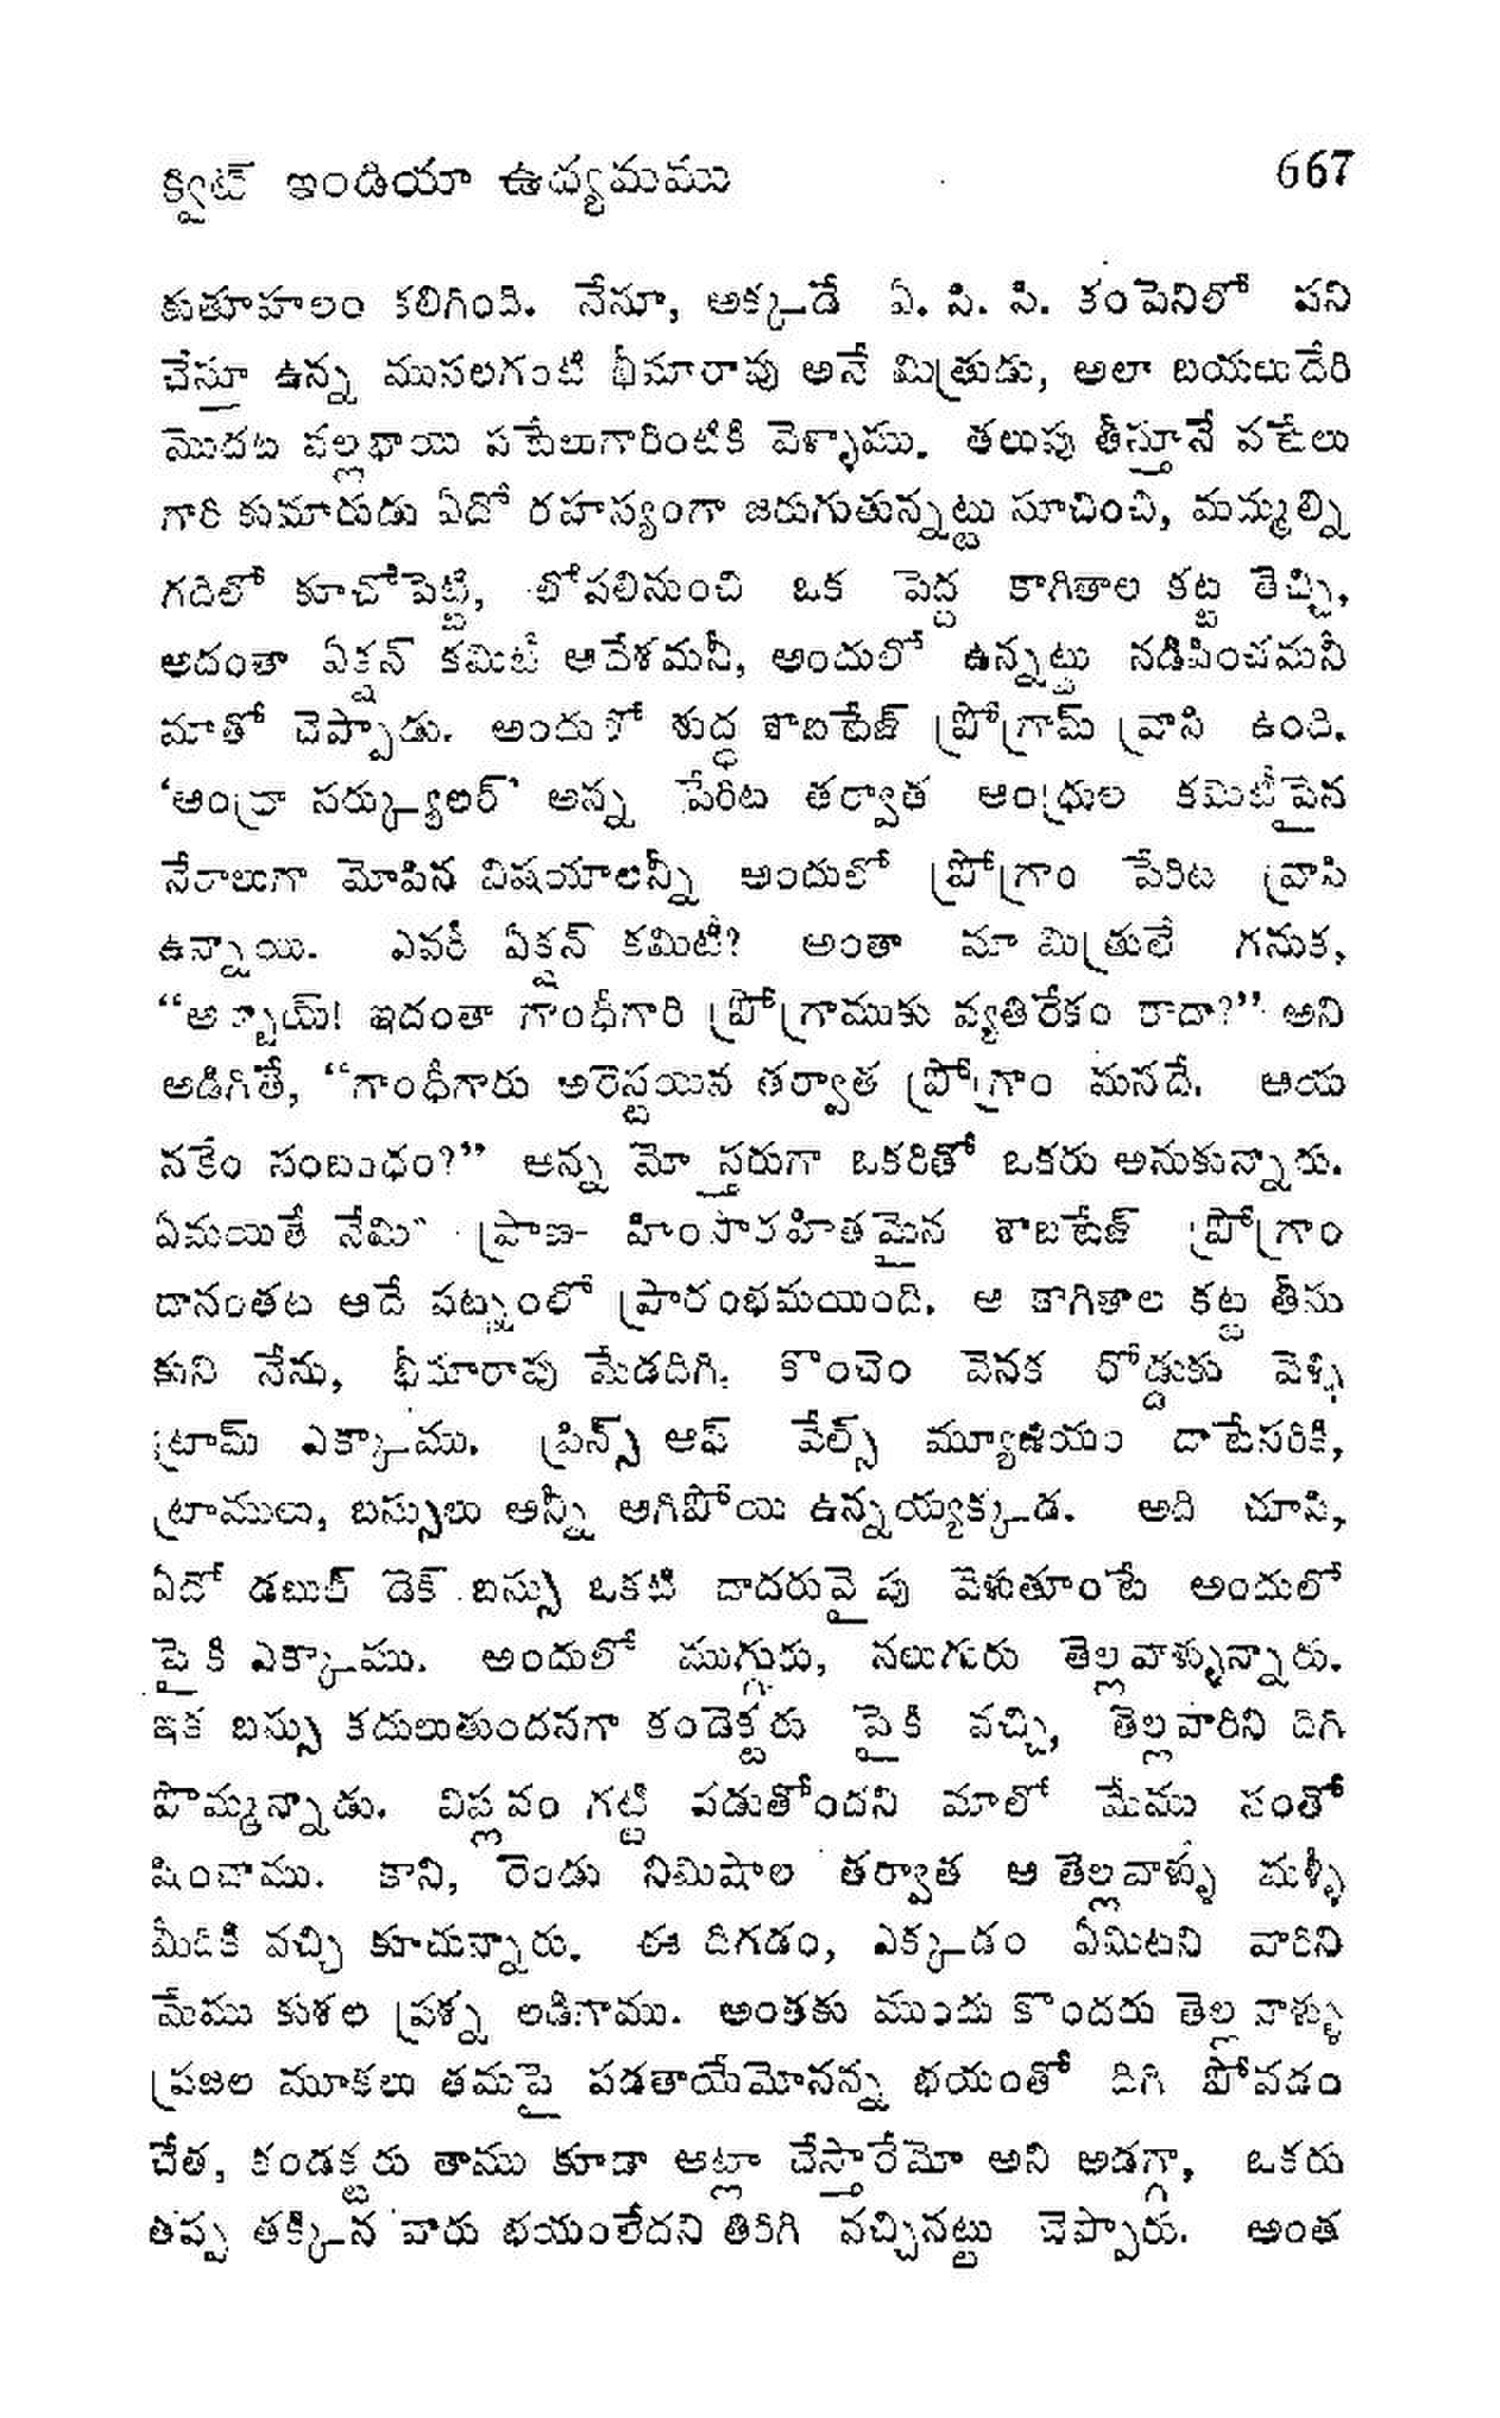కుతూహలం కలిగింది. నేనూ, అక్కడే ఏ.సి.సి, కంపెనీలో పనిచేస్తూ ఉన్న ముసలగంటి భీమారావు అనే మిత్రుడు, అలా బయలుదేరి మొదట వల్లభాయి పటేలు గారింటికి వెళ్ళాము. తలుపు తీస్తూనే పటేలు గారి కుమారుడు ఏదో రహస్యంగా జరుగుతున్నట్టు సూచించి, మమ్మల్ని గదిలో కూచోపెట్టి, లోపలినుంచి ఒక పెద్ద కాగితాల లట్ట తెచ్చి, అదంతా ఏక్షన్ కమిటీ ఆదేశమనీ, అందులో ఉన్నట్టు నడిపించమనీ మాతో చెప్పాడు. అందులో శుద్ధ శాబటేజ్ ప్రోగ్రామ్ వ్రాసి ఉంది. 'ఆంధ్రా సర్క్యులర్‌' అన్న పేరిట తర్వాత ఆంధ్రుల కమిటీపైన నేరాలుగా మోపిన విషయాలన్నీ అందులో ప్రోగ్రాం పేరిట వ్రాసి ఉన్నాయి. ఎవరీ ఏక్షన్ కమిటీ? అంతా మా మిత్రులే గనుక, "అబ్బాయ్! ఇదంతా గాంధీగారి ప్రోగ్రాముకు వ్యతిరేకం కాదా?" అని అడిగితే, "గాంధీగారు అరెస్టయిన తర్వాత ప్రోగ్రాం మనదే. ఆయనకేం సంబంధం?" అన్న మోస్తరుగా ఒకరితో ఒకరు అనుకున్నారు. ఏమయితే నేమి ప్రాణ హింసా రహితమైన శాబటేజ్ ప్రోగ్రాం దానంతట అదే పట్నంలో ప్రారంభమయింది. ఆ కాగితాల కట్ట తీసుకుని నేను, భీమారావు మేడదిగి, కొంచెం వెనక రోడ్డుకు వెళ్ళి ట్రామ్ ఎక్కాము. ప్రిన్స్ ఆఫ్ వేల్స్ మ్యూజియం దాటేసరికి, ట్రాములు, బస్సులు అన్నీ ఆగిపోయి ఉన్నయ్యక్కడ. అది చూసి, ఏదో డబుల్ డెక్ బస్సు ఒకటి దాదరువైపు వెళుతూంటే అందులో పైకి ఎక్కాము. అందులో ముగ్గురు, నలుగురు తెల్లవాళ్ళున్నారు. ఇక బస్సు కదులుతుందనగా కండెక్టరు పైకి వచ్చి తెల్లవారిని దిగి పొమ్మన్నాడు. విప్లవం గట్టి పడుతోందని మాలో మేము సంతోషించాము. కాని, రెండు నిమిషాల తర్వాత ఆ తెల్లవాళ్ళు మళ్ళీ మీదికి వచ్చి కూచున్నారు. ఈ దిగడం, ఎక్కడం ఏమిటని వారిని మేము కుశల ప్రశ్న లడిగాము. అంతకు ముందు కొందరు తెల్ల వాళ్ళు ప్రజల మూకలు తమపై పడతాయేమో నన్న భయంతో దిగి పోవడంచేత, కండక్టరు తాము కూడా అట్లా చేస్తారేమో అని అడగ్గా, ఒకరు తప్ప తక్కిన వారు భయంలేదని తిరిగి వచ్చినట్టు చెప్పారు. అంత